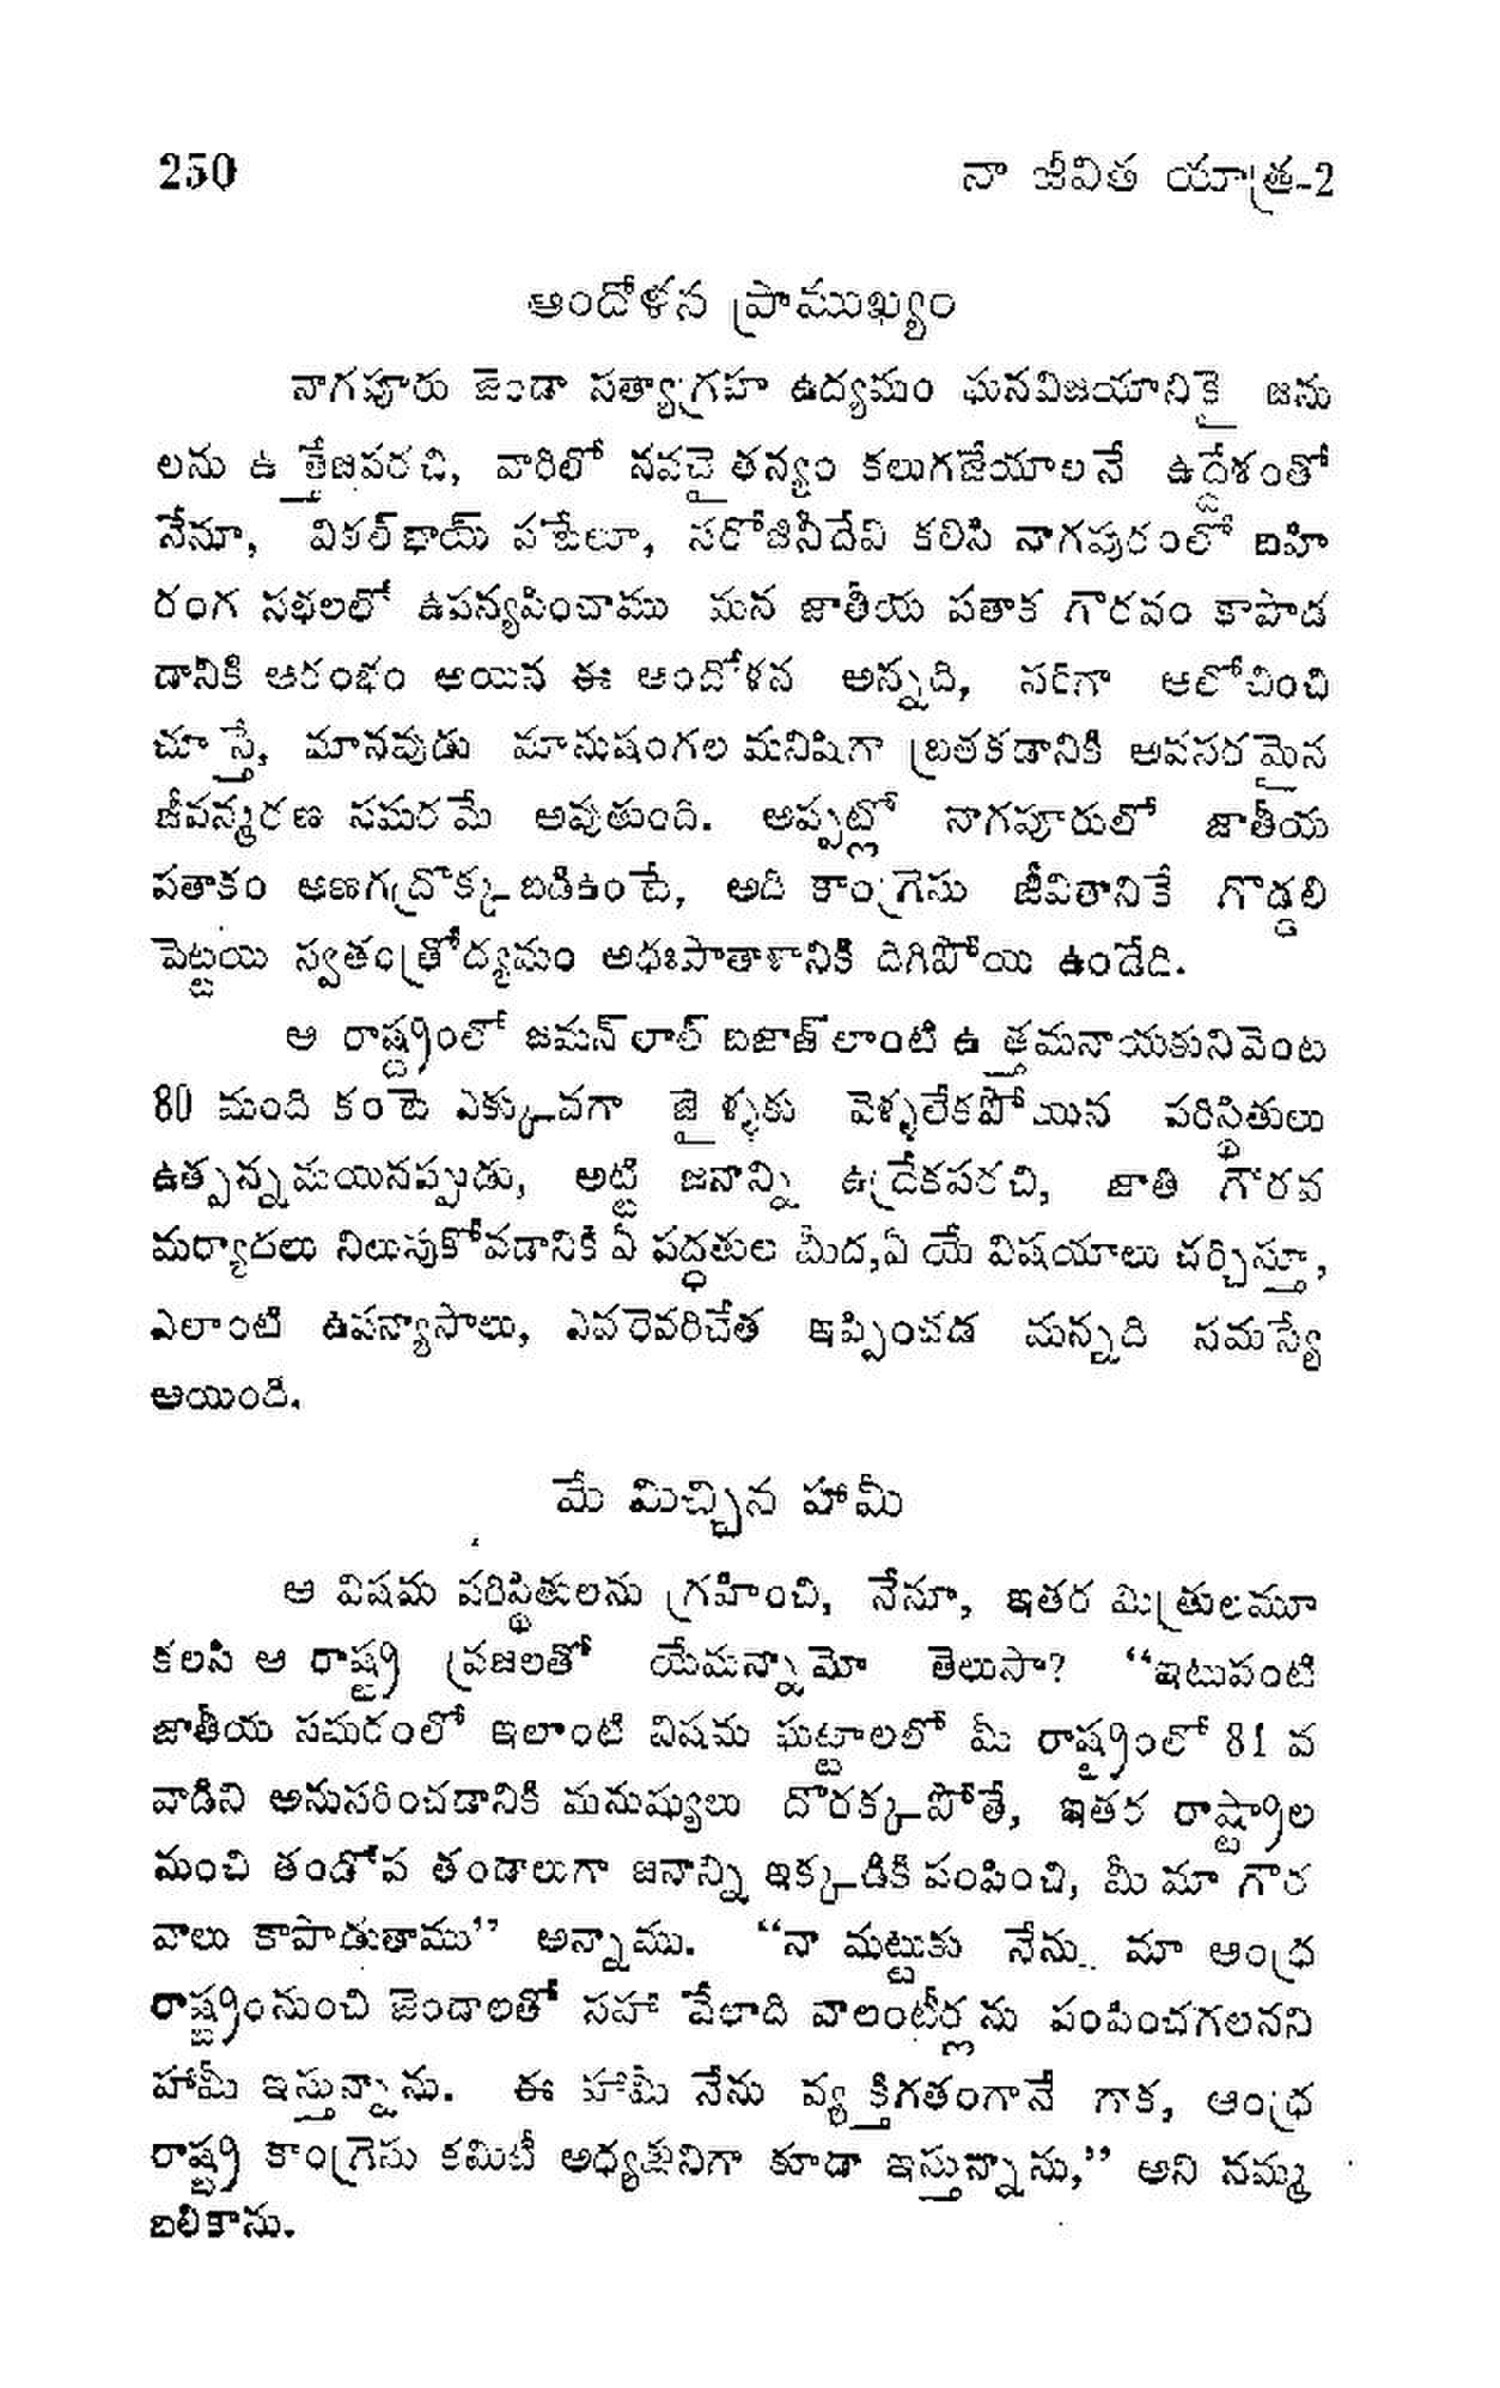నాగపూరు జెండా సత్యాగ్రహ ఉధ్యమం ఘనవిజయానికై జనులను ఉత్తేజపరచి, వారిలో నవచైతన్యం కలుగజేయాలనే ఉద్దేశంతో నేనూ, విఠల్‌భాయ్ పటేలూ, సరోజినీదేవి కలిసి నాగపురంలో బహిరంగ సభలలో ఉపన్యసించాము మన జాతీయ పతాక గౌరవం కాపాడడానికి ఆరంభం అయిన ఈ ఆందోళన అన్నది, సరిగా ఆలోచించి చూస్తే, మానవుడు మానుషంగల మనిషిగా బ్రతకడానికి అవసరమైన జీవన్మరణ సమరమే అవుతుంది. అప్పట్లో నాగపూరులో జాతీయ పతాకం అణగద్రొక్కబడిఉంటే, అది కాంగ్రెసు జీవితానికే గొడ్డలి పెట్టయి స్వతంత్రోద్యమం అధ:పాతాళానికి దిగిపోయి ఉండేది.

ఆ రాష్ట్రంలో జమన్‌లాల్ బజాజ్ లాంటి ఉత్తమనాయకునివెంట 80 మంది కంటె ఎక్కువగా జైళ్ళకు వెళ్ళలేకపోయిన పరిస్థితులు ఉత్పన్నమయినప్పుడు, అట్టి జనాన్ని ఉద్రేకపరచి, జాతి గౌరవ మర్యాదలు నిలుపుకోవడానికి ఏ పద్ధతుల మీద, ఏయే విషయాలు చర్చిస్తూ, ఎలాంటి ఉపన్యాసాలు, ఎవరెవరిచేత ఇప్పించడ మన్నది సమస్యే అయింది.

ఆ విషమ పరిస్థితులను గ్రహించి, నేనూ, ఇతర మిత్రులమూ కలసి ఆ రాష్ట్ర ప్రజలతో యేమన్నామో తెలుసా? "ఇటువంటి జాతీయ సమరంలో ఇలాంటి విషమ ఘట్టాలలో మీ రాష్ట్రంలో 81 వ వాడిని అనుసరించడానికి మనుష్యులు దొరక్కపోతే, ఇతర రాష్ట్రాల నుంచి తండోప తండాలుగా జనాన్ని ఇక్కడికి పంపించి, మీ మా గౌరవాలు కాపాడుతాము" అన్నాము. "నా మట్టుకు నేను మా ఆంధ్రరాష్ట్రంనుంచి జెండాలతో సహా వేలాది వాలంటీర్లను పంపించగలనని హామీ ఇస్తున్నాను. ఈ హామీ నేను వ్యక్తిగతంగానే గాక, ఆంధ్ర రాష్ట్ర కాంగ్రెసు కమిటీ అధ్యక్షునిగా కూడా ఇస్తున్నాను," అని నమ్మబలికాను.